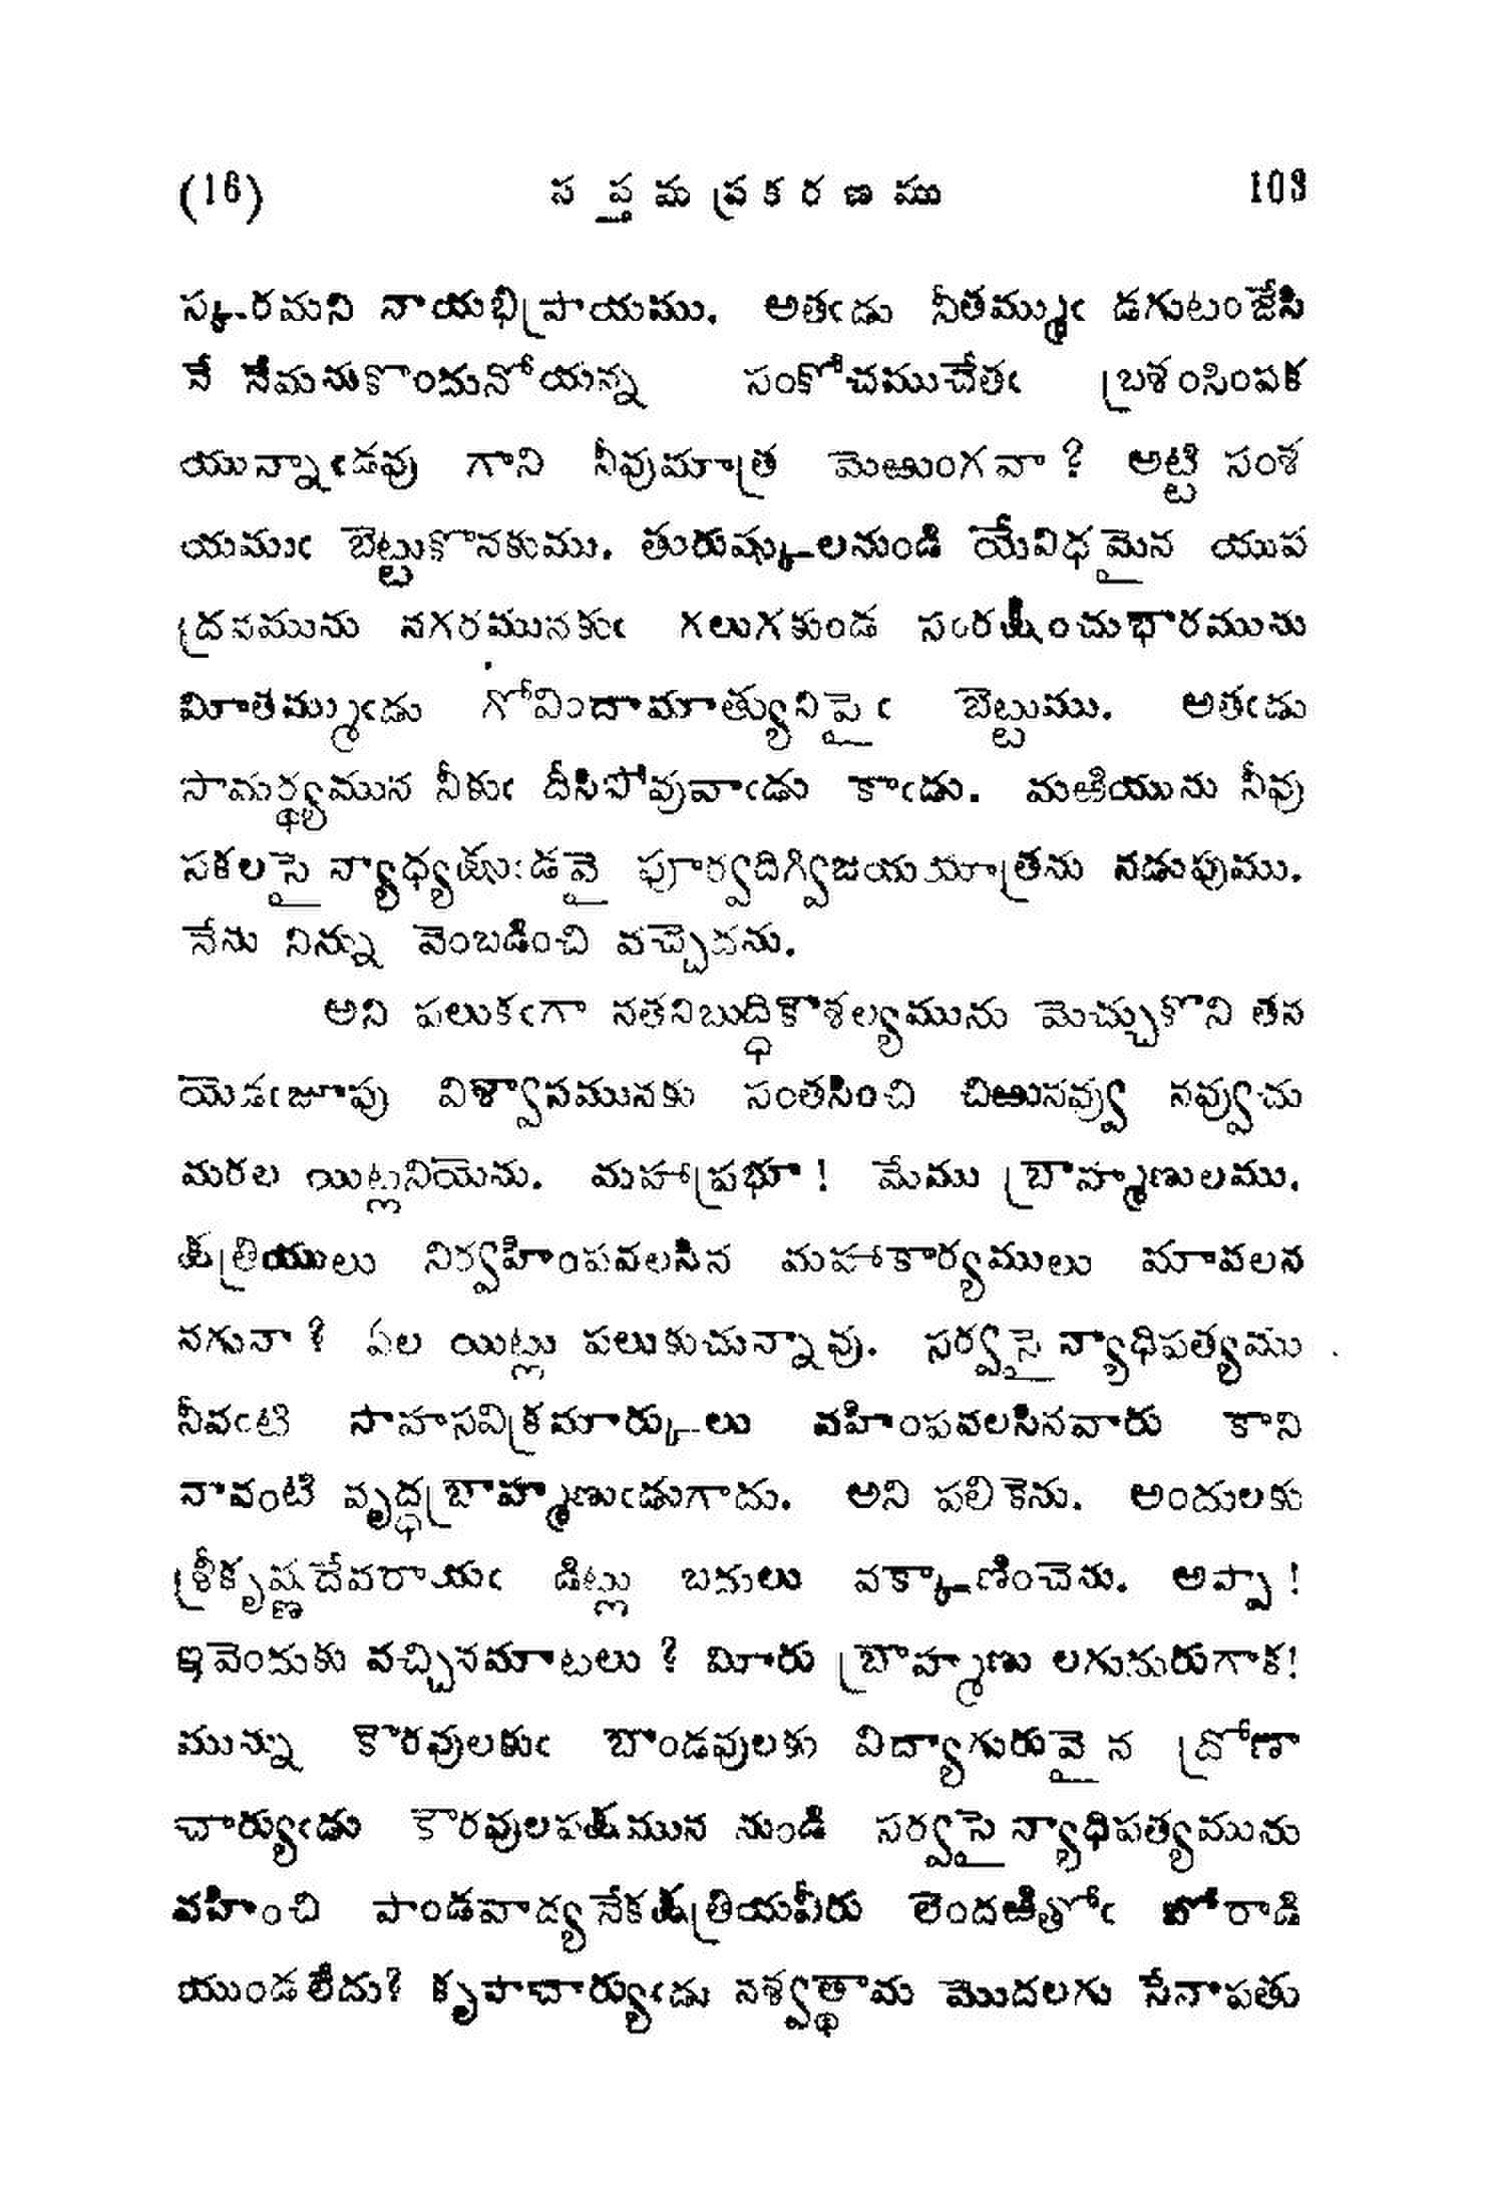స్కరమని నాయభిప్రాయము. అతఁడు నీతమ్ముఁ డగుటంజేసి నే నేమనుకొందునోయన్న సంకోచముచేతఁ బ్రశంసింపక యున్నాఁడవు గాని నీవుమాత్ర మెఱుంగవా? అట్టి సంశయముఁ బెట్టుకొనకుము. తురుష్కులనుండి యేవిధమైన యుపద్రవమును నగరమునకుఁ గలుగకుండ సంరక్షించుభారమును మీతమ్ముఁడు గోవిందామాత్యునిపైఁ బెట్టుము. అతఁడు సామర్థ్యమున నీకుఁ దీసిపోవువాఁడు కాఁడు. మఱియును నీవు సకలసైన్యాధ్యక్షుఁడవై పూర్వదిగ్విజయయాత్రను నడుపుము. నేను నిన్ను వెంబడించి వచ్చెదను.

అని పలుకఁగా నతనిబుద్ధికౌశల్యమును మెచ్చుకొని తన యెడఁజూపు విశ్వాసమునకు సంతసించి చిఱునవ్వు నవ్వుచు మరల యిట్లనియెను. మహాప్రభూ ! మేము బ్రాహ్మణులము. క్షత్రియులు నిర్వహింపవలసిన మహాకార్యములు మావలన నగునా? ఏల యిట్లు పలుకుచున్నావు. సర్వసైన్యాధిపత్యము నీవంటి సాహసవిక్రమార్కులు వహింపవలసినవారు కాని నావంటి వృద్ధబ్రాహ్మణుఁడుగాదు. అని పలికెను. అందులకు శ్రీకృష్ణదేవరాయఁ డిట్లు బదులు వక్కాణించెను. అప్పా ! ఇవెందుకు వచ్చినమాటలు ? మీరు బ్రాహ్మణు లగుదురుగాక! మున్ను కౌరవులకుఁ బాండవులకు విద్యాగురువైన ద్రోణాచార్యుఁడు కౌరవులపక్షమున నుండి సర్వసైన్యాధిపత్యమును వహించి పాండవాద్యనేకక్షత్రియవీరు లెందఱితోఁ బోరాడి యుండలేదు? కృపాచార్యుఁడు నశ్వత్థామ మొదలగు సేనాపతు